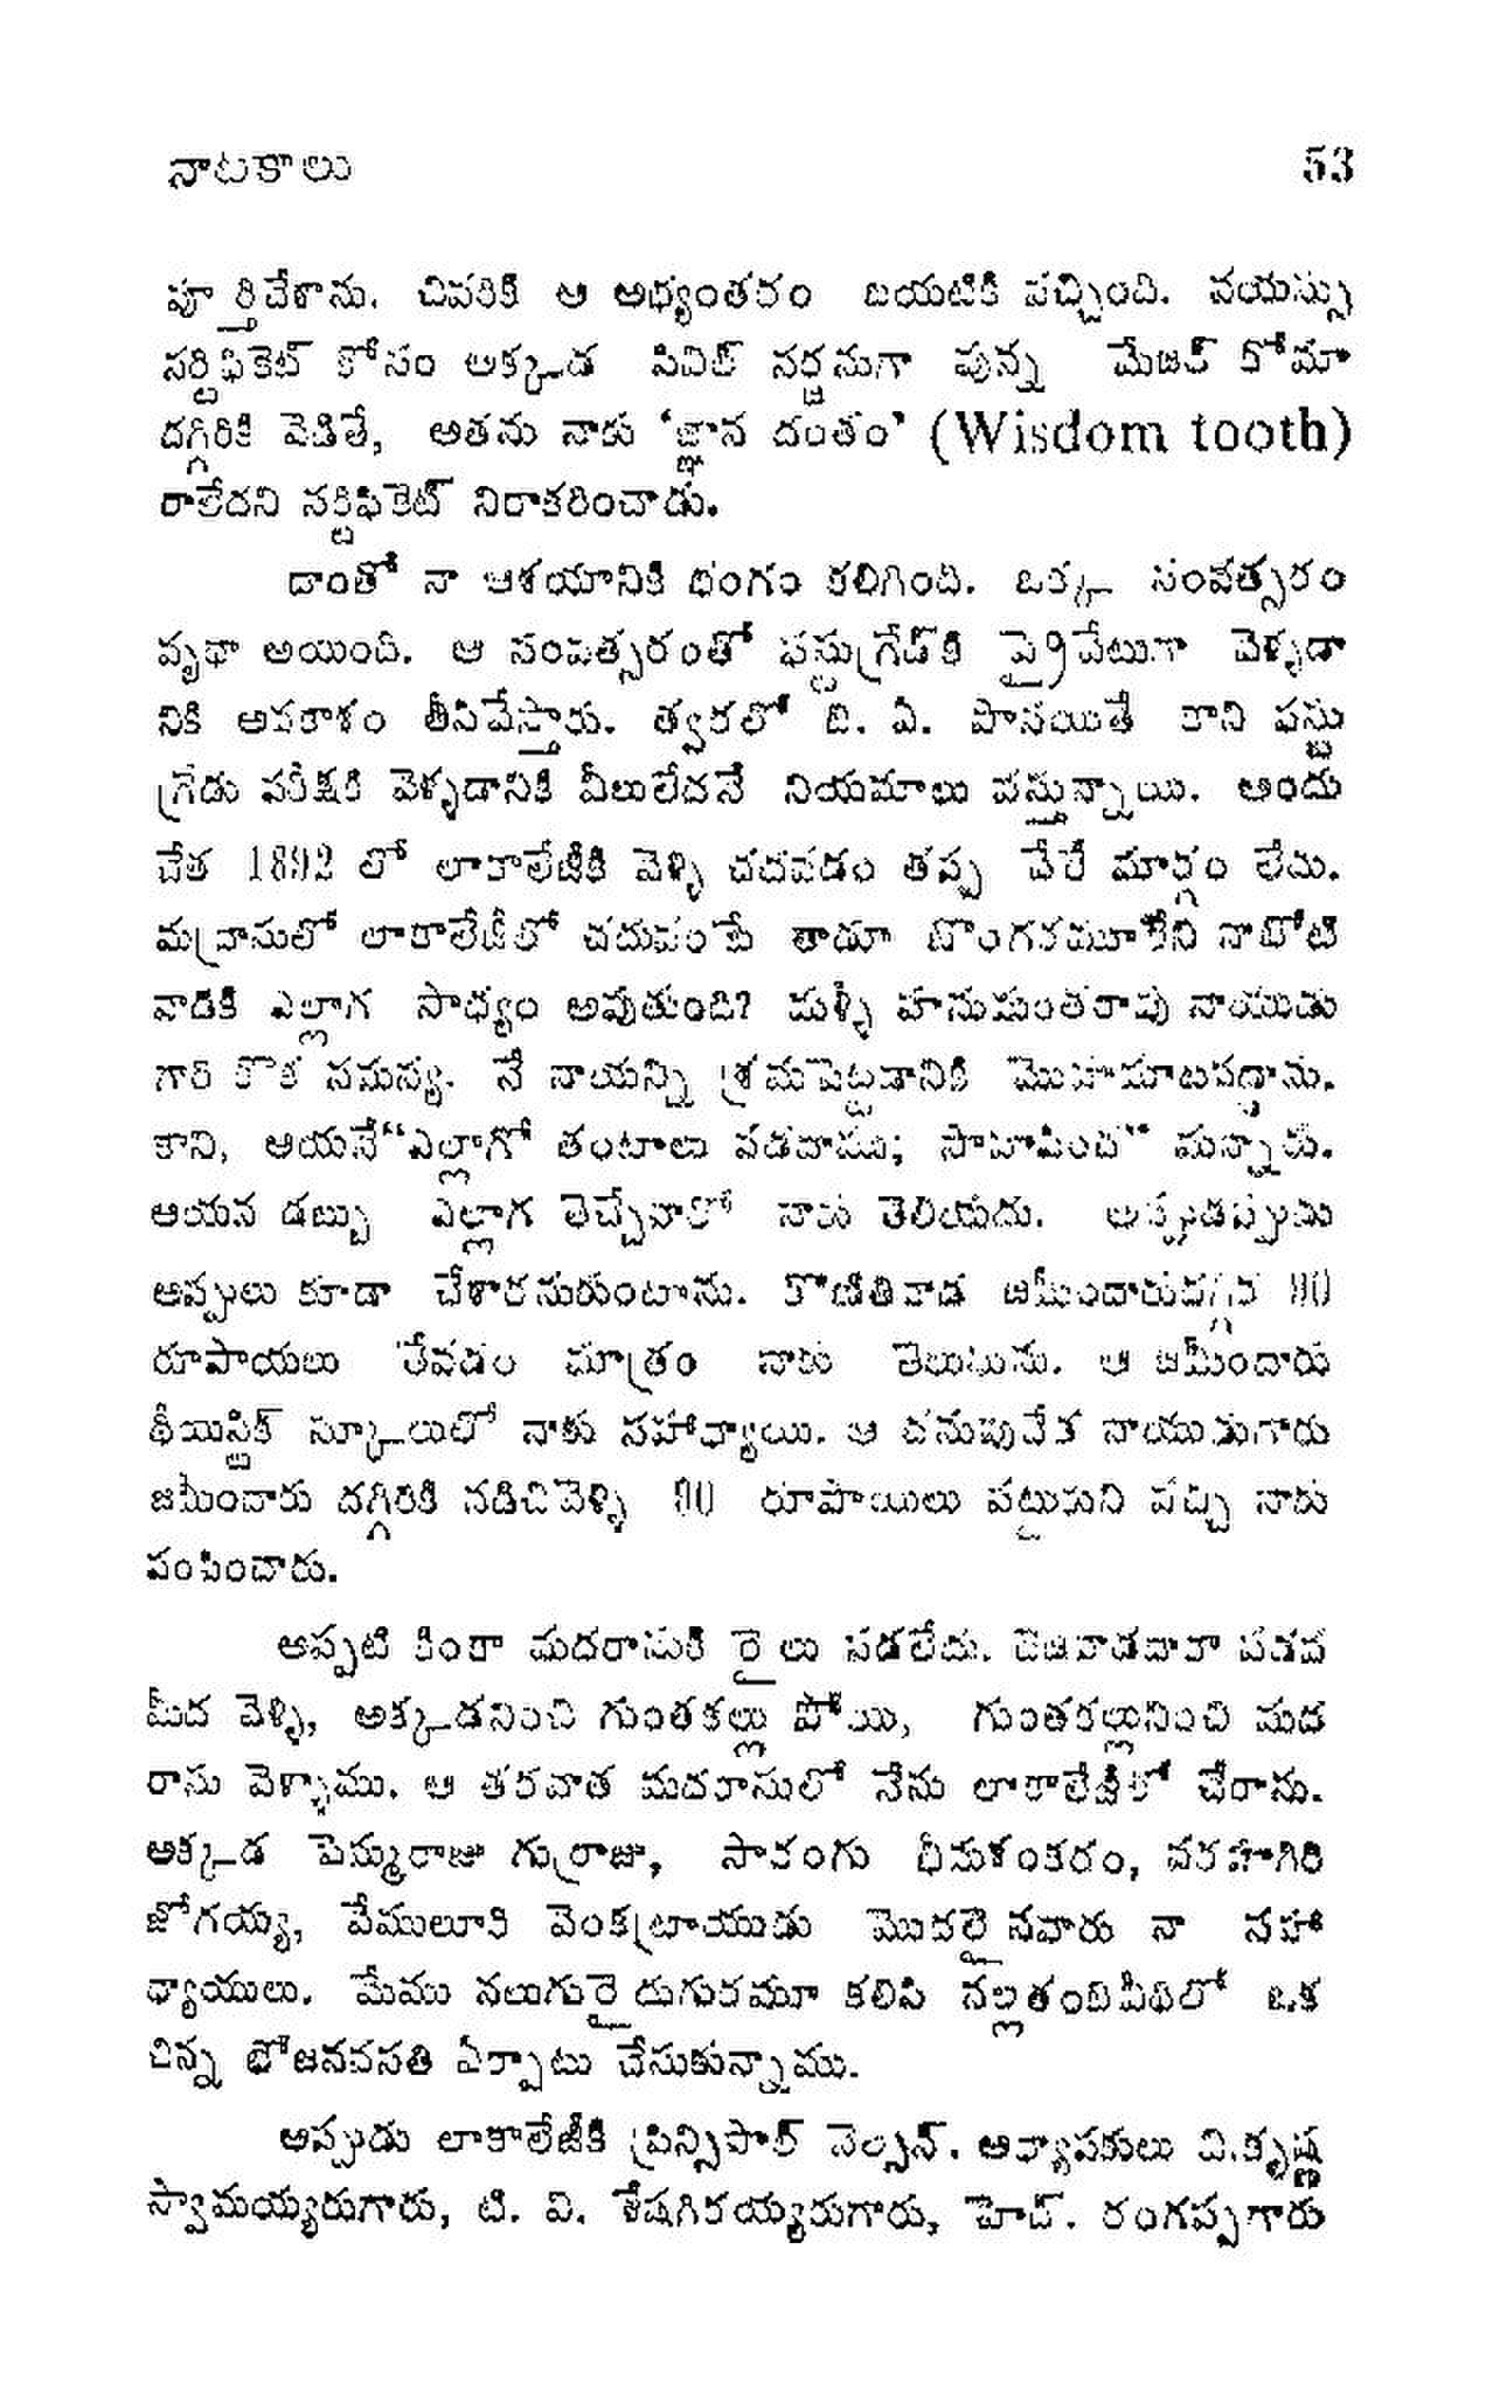పూర్తిచేశాను. చివరికి ఆ అభ్యంతరం బయటకి వచ్చింది. వయస్సు సర్టిఫికెట్ కోసం అక్కడ సివిల్ సర్జనుగా వున్న మేజర్ కోమా దగ్గరకి వెడితే, అతను నాకు 'జ్ఞాన దంతం' (Wisdom tooth) రాలేదని సర్టిఫికెట్ నిరాకరించారు.

దాంతో నా ఆశయానికి భంగం కలిగింది. ఒక్క సంవత్సరం వృథా అయింది. ఆ సంవత్సరంలో ఫస్టుగ్రేడ్ కి ప్రైవేటుగా వెళ్ళడానికి అవకాశం తీసివేస్తారు. త్వరలో బి.ఏ. పాసయితే కాని ఫస్టుగ్రేడు పరీక్షకి వెళ్ళడానికి వీలులేదనే నియమాలు వస్తున్నాయి. అందుచేత 1892లో లాకాలేజికి వెళ్ళి చదవడం తప్ప వేరే మార్గం లేదు. మద్రాసులో లాకాలేజిలో చదువంటే తాడూ బొంగరమూ లేని నాబోటి వాడికి ఎల్లాగ సాధ్యం అవుతుంది? మళ్ళీ హనుమంతరావు నాయుడు గారి కొక సమస్య. నే నాయన్ని శ్రమపెట్టడానికి మొహమాటపడ్డాను. కాని, ఆయనే "ఎల్లాగో తంటాలు పడదాము; సాహసించ"మన్నారు. ఆయన డబ్బు ఎల్లాగ తెచ్చేవారో నాకు తెలియదు. అప్పుడప్పుడు అప్పులు కూడా చేశారనుకుంటాను. కొణితివాడ జమీందారుదగ్గర 90 రూపాయలు తేవడం మాత్రం నాకు తెలుసును. ఆ జమీందారు థీయిస్టిక్ స్కూలులో నాకు సహాధ్యాయి. ఆ చనువుచేత నాయుడుగారు జమీందారు దగ్గిరికి నడిచివెళ్ళి 90 రూపాయలు పట్టుకుని వచ్చి నాకు పంపించారు.

అప్పటికింకా మదరాసుకి రైలు పడలేదు. బెజవాడదాకా పడవ మీద వెళ్ళి, అక్కడనించి గుంతకల్లు పోయి, గుంతకల్లునించి మదరాసు వెళ్ళాము. ఆ తరవాత మదరాసులో నేను లాకాలేజిలో చేరాను. అక్కడ పెమ్మరాజు గుర్రాజు, సారంగు భీమశంకరం, వరాహగిరి జోగయ్య, వేములూరి వెంకట్రాయుడు మొదలైనవారు నా సహాధ్యాయులు, మేము నలుగురైదుగురూ కలిసి నల్లతంబివీథిలో ఒక చిన్న భోజనవసతి ఏర్పాటుచేసుకున్నాము.

అప్పుడు లాకాలేజీకి ప్రిన్సిపాల్ నెల్సన్. అధ్యాపకులు వి.కృష్ణస్వామయ్యరుగారు, టి.వి.శేషగిరయ్యరుగారు, హెచ్.రంగప్పగారు